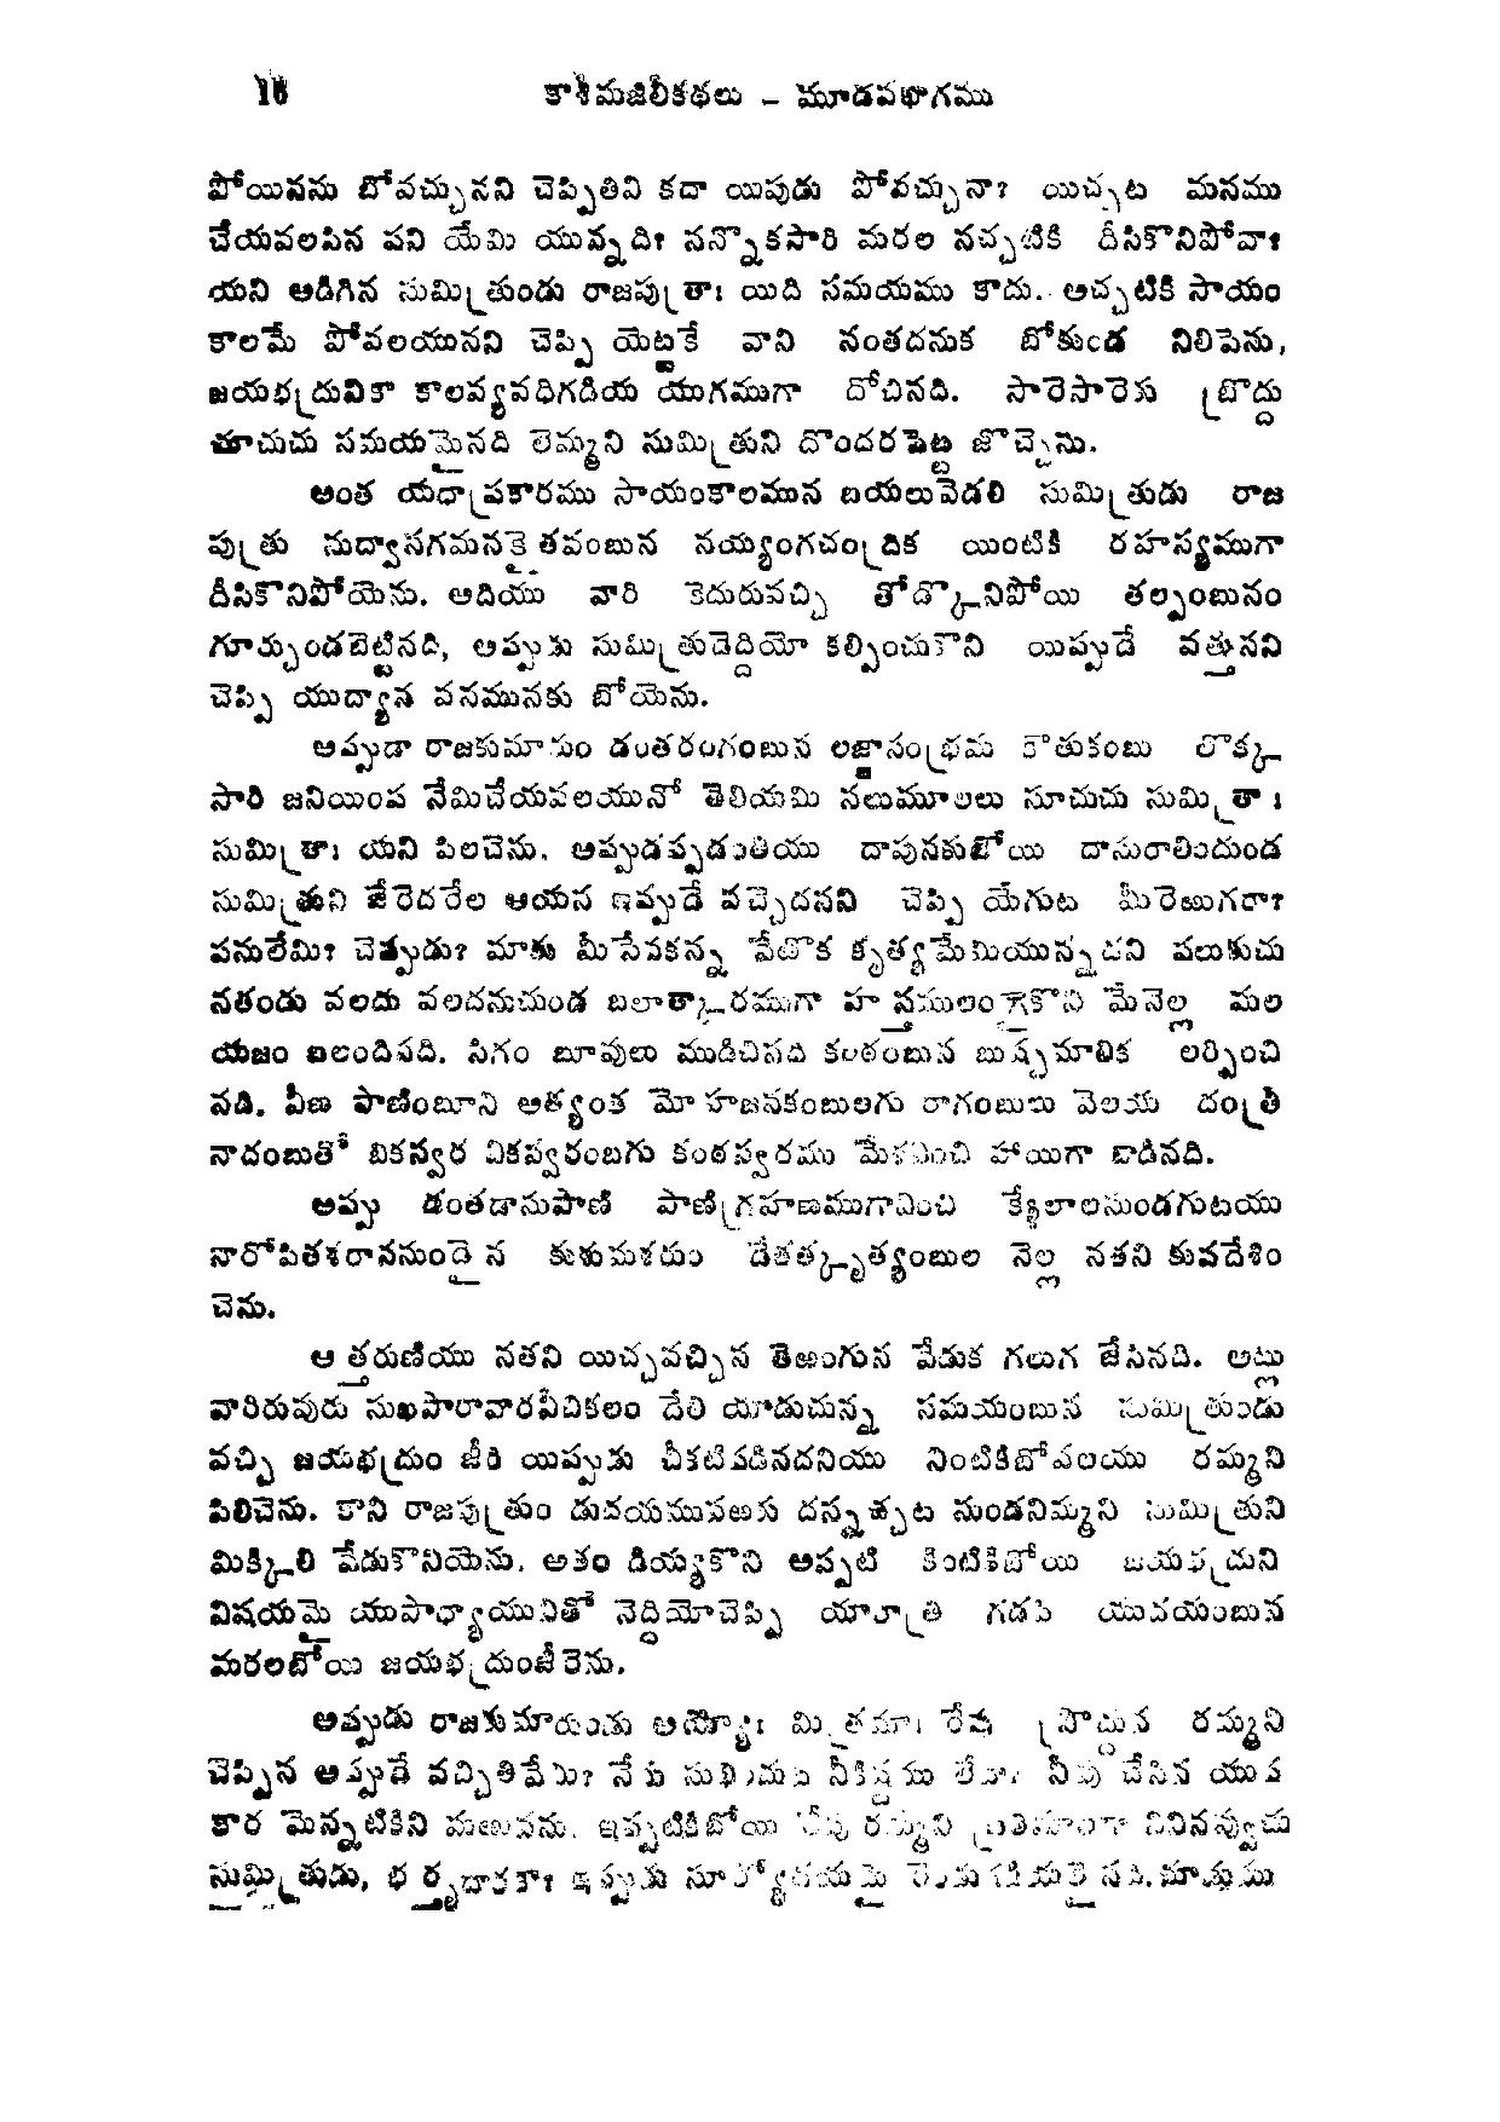పోయినను బోవచ్చునని చెప్పితివి కదా యిపుడు పోవచ్చునా? యిచ్చట మనము చేయవలసిన పని యేమి యున్నది? నన్నొకసారి మరల నచ్చటికి దీసికొనిపోవా? యని అడిగిన సుమిత్రుండు రాజపుత్రా! యిది సమయము కాదు.. అచ్చటికి సాయంకాలమే పోవలయునని చెప్పి యేట్టకే వాని నంతదనుక బోకుండ నిలిపెను. జయభద్రునికా కాలవ్యవధిగడియ యుగముగా దోచినది. సారెసారెకు బ్రొద్దు
చూచుచు సమయమైనది లెమ్మని సుమిత్రుని దొందరపెట్ట జొచ్చెను.

అంత యథాప్రకారము సాయంకాలమున బయలువెడలి సుమిత్రుడు రాజపుత్రు నుద్వాసగమనకైతవంబున నయ్యంగచంద్రిక యింటికి రహస్యముగా దీసికొనిపోయెను. అదియు వారి కెదురువచ్చి తోడ్కొనిపోయి తల్పంబునం గూర్చుండబెట్టినది, అప్పుడు సుమిత్రు డెద్దియో కల్పించుకొని యిప్పుడే వత్తునని చెప్పి యుద్యానవనమునకు బోయెను.

అప్పుడా రాజకుమారుం డంతరంగంబున లజ్జాసంభ్రమకౌతుకంబు లొక్కసారి జనియింప నేమి చేయవలయునో తెలియమి నలుమూలలు సూచుచు సుమిత్రా! సుమిత్రా! యని పిలచెను. అప్పు డప్పడంతియు దాపునకుబోయి దాసురా లిందుండ సుమిత్రుని జేరెద రేల ఆయన ఇప్పుడే వచ్చెదనని చెప్పి యేగుట మీరెఱుగరా? పనులేమి? చెప్పుడు? మాకు మీ సేవకన్న వేఱొక కృత్యమేమియున్నదని పలుకుచు నతండు వలదు వలదనుచుండ బలాత్కారముగా హస్తములంగైకొని మేనెల్ల మలయజం బలందినది. సిగం బూవులు ముడిచినది కంఠంబున బుష్పమాలిక లర్పించినది. వీణ పాణింబూని అత్యంత మోహజనకంబులగు రాగంబులు వెలయ దంత్రీనాదంబుతో బికస్వర వికస్వరంబగు కంఠస్వరము మేళవించి హాయిగా బాడినది.

అప్పు డంతడాసుపాణి పాణిగ్రహణముగావించి కేళీలాలసుండగుటయు నారోపితశరాననుండైన కుశుమశరుం డేతత్కృత్యంబుల నెల్ల నతని కువదేశించెను.

అత్తరుణియు నతని యిచ్చవచ్చిన తెఱంగున వేడుక గలుగజేసినది. అట్లు వారిరువురు సుఖపారావారవీచికలం దేలియాడుచున్న సమయంబున సుమిత్రుండు వచ్చి జయభద్రుం జీరి యిప్పుడు చీకటిపడినదనియు నింటికిబోవలయు రమ్మని పిలిచెను. కాని రాజపుత్రుం డుదయమువఱకు దన్నచ్చట నుండనిమ్మని సుమిత్రుని మిక్కిలి వేడుకొనియెను. అతం డియ్యకొని అప్పటి కింటికిబోయి జయభద్రుని విషయమై యుపాధ్యాయునితో నెద్దియోచెప్పి యారాత్రి గడపి యుదయంబున మరలబోయి జయభద్రుం జీరెను.

అప్పుడు రాజకుమారుండు అయ్యో! మిత్రమా! రేపు ప్రొద్దున రమ్మని చెప్పిన అప్పుడే వచ్చితివేమి? నేను సుఖించుట నీకిష్టము లేదా? నీవు చేసిన యుపకార మెన్నటికిని మఱువను. ఇప్పటికిబోయి రేపు రమ్మని బ్రతిమాంగా వినినవ్వుచు సుమిత్రుడు, భర్తృదారకా? ఇప్పుడు సూర్యోదయమై రెండుగడియలైనది. చూడుము